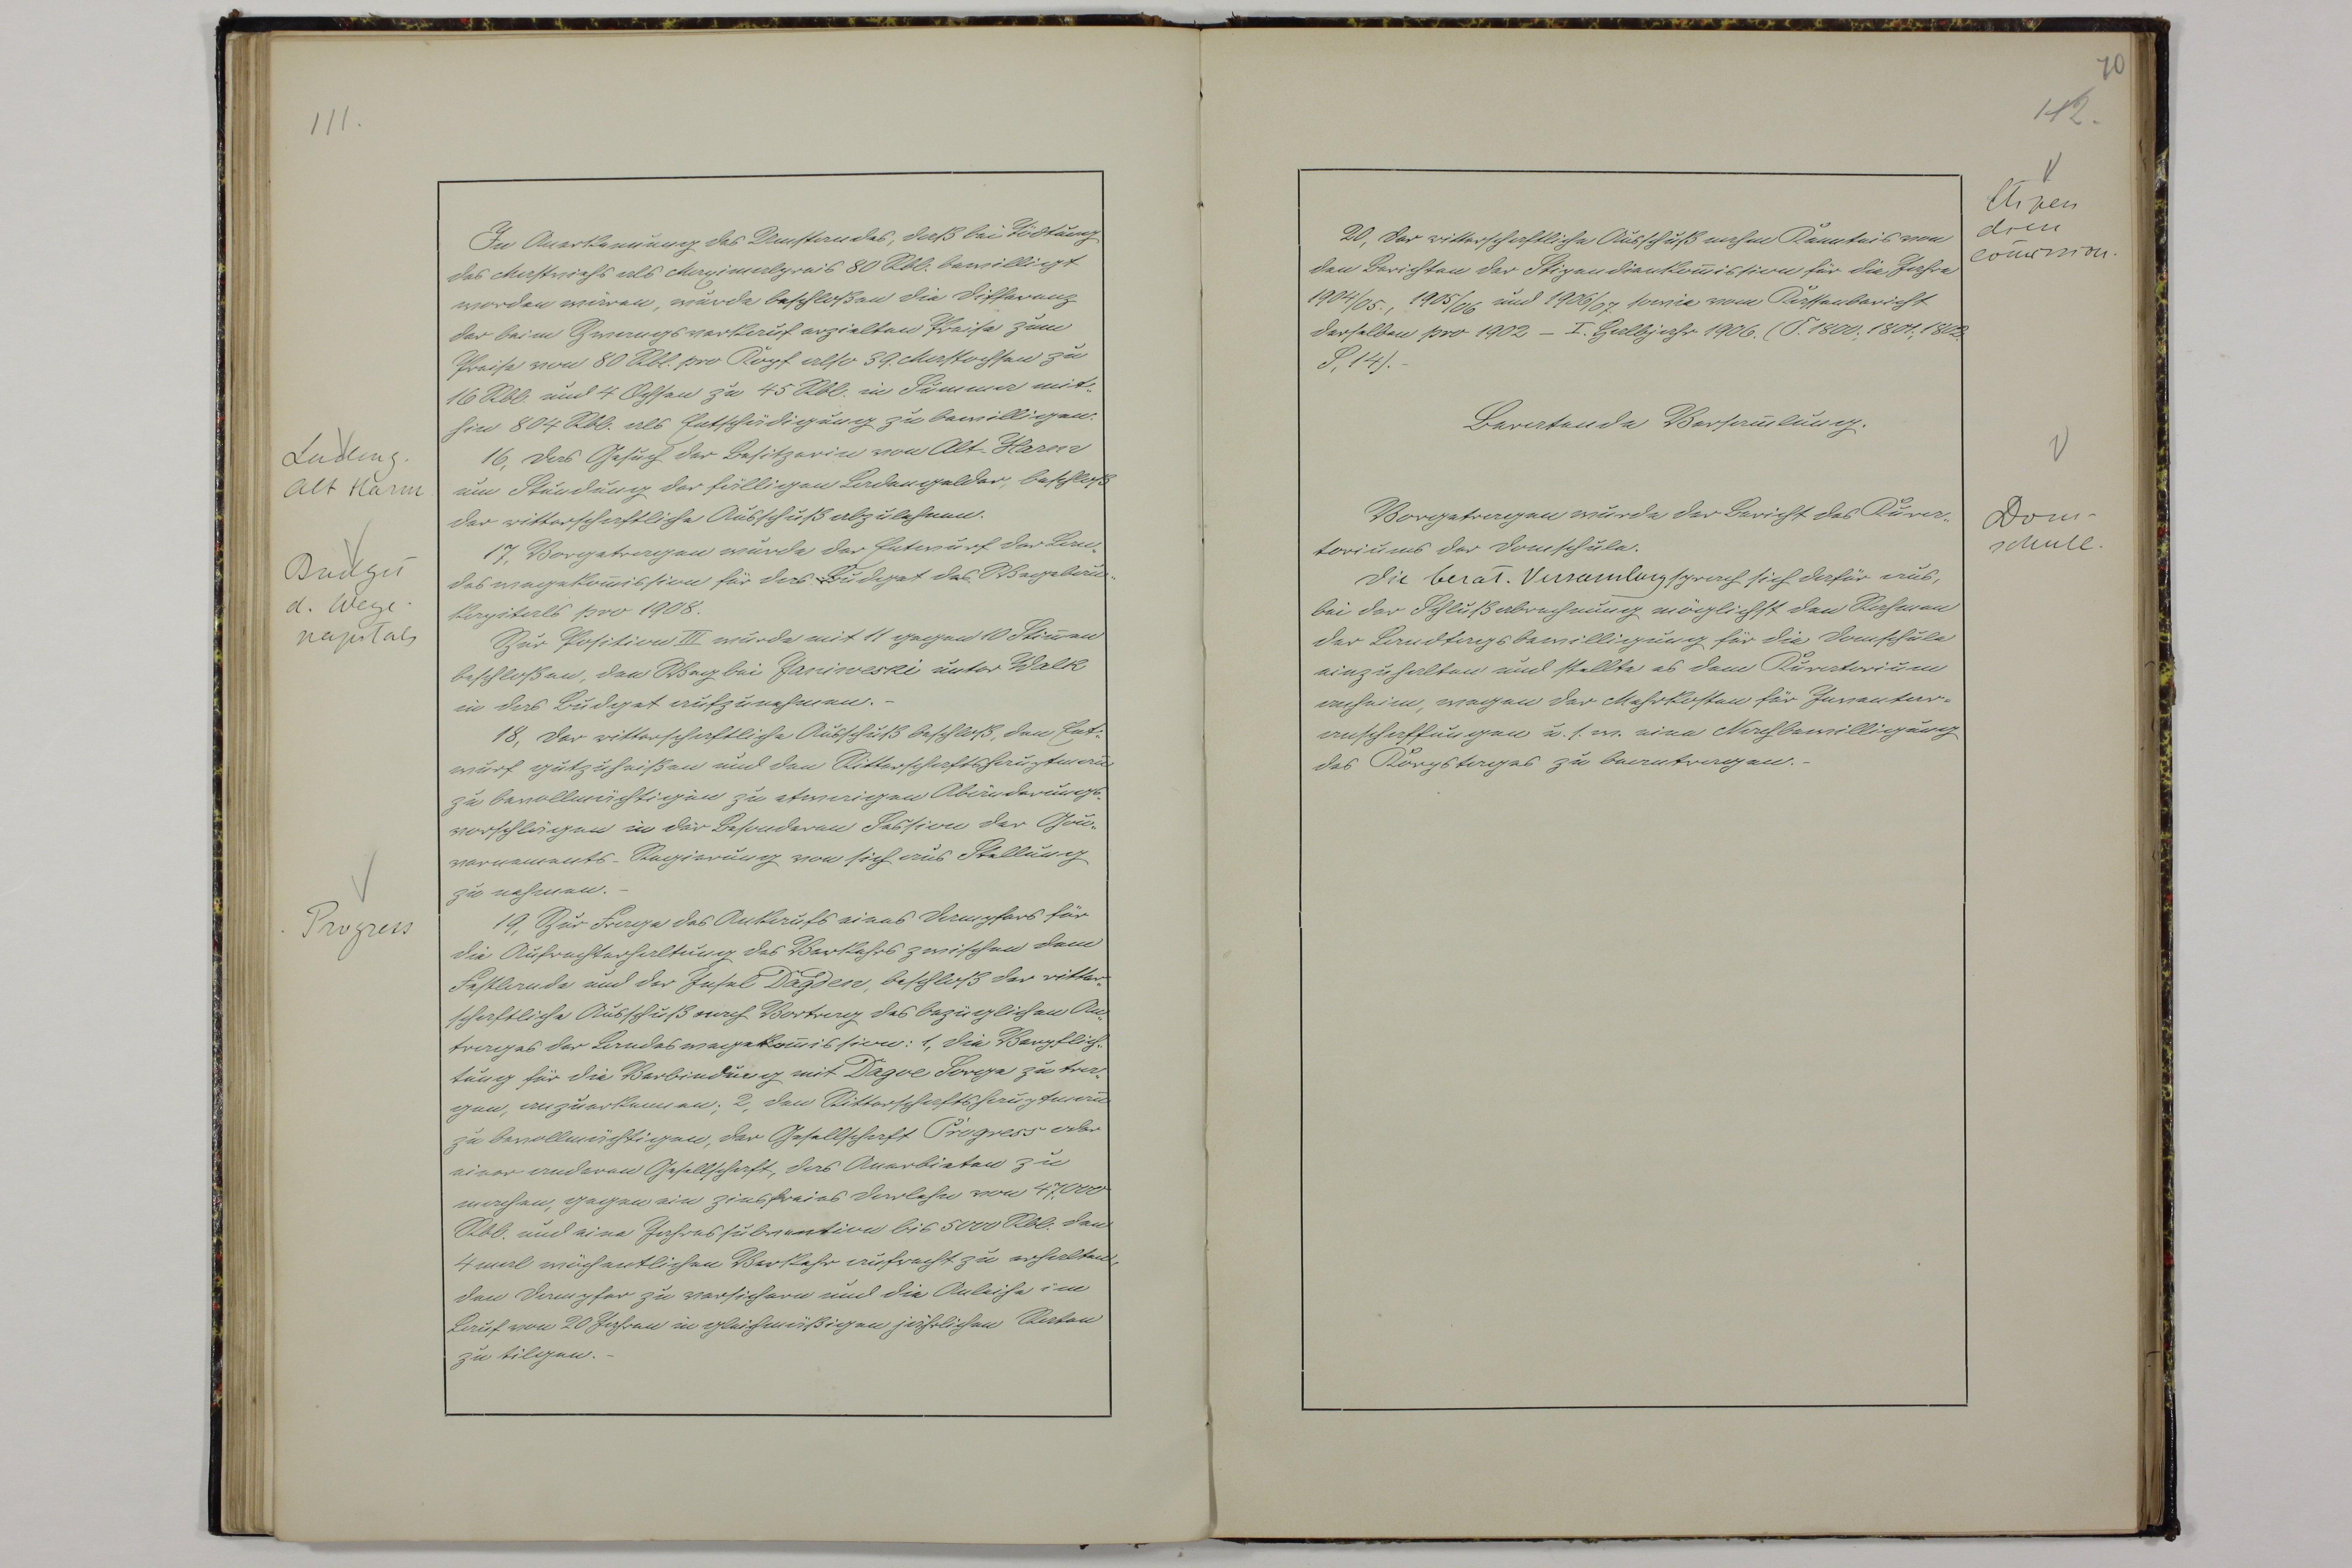Ladeng
Alt Harm
Budget
d. Wege
kapitals
Progress
In Anerkennung des Umstandes, daß bei Tödtung
des Mastviehs als Maximalpreis 80 Rbl. bewilligt
worden wären, wurde beschloßen die Differenz
der beim Zwangsverkauf erzielten Preise zum
Preise von 80 Rbl. pro Kopf also 39. Mastochsen zu
16 Rbl. und 4 Ochsen zu 45 Rbl. in Summa mit-
hin 804 Rbl. als Entschädigung zu bewilligen.
16. Das Gesuch der Besitzerin von Alt-Harm
um Stundung der fälligen Ladengelder, beschloß
der ritterschaftliche Ausschuß abzulehnen.
17. Vorgetragen wurde der Entwurf der Lan-
deswegekommission für das Budget des Wegebau-
kapitals pro 1908.
Zur Position III wurde mit 11 gegen 10 Stimmen
beschloßen, den Weg bei Janiweski unter Walk
in das Budget aufzunehmen.
18. Der ritterschaftliche Ausschuß beschloß, den Ent-
wurf gutzuheißen und den Ritterschaftshauptmann
zu bevollmächtigen zu etwaigen Abänderungs-
vorschlägen in der Besonderen Session der Gou-
vernements-Regierung von sich aus Stellung
zu nehmen.
19. Zur Frage des Ankaufs eines Dampfers für
die Aufrechterhaltung des Verkehrs zwischen dem
Festlande und der Insel Dagden, beschloß der ritter-
schaftliche Ausschuß nach Vortrag des bezüglichen An-
trages der Landeswegekommission: 1. die Verpflich-
tung, für die Verbindung mit Dagoe Sorge zu tra-
gen, anzuerkennen; 2. den Ritterschaftshauptmann
zu bevollmächtigen, der Gesellschaft Progress oder
einer anderen Gesellschaft, das Anerbieten zu
machen, gegen ein zinsfreies Darlehn von 47.000
Rbl. und eine Jahressubvention bis 5000 Rbl. den
4mal wöchentlichen Verkehr aufrecht zu erhalten,
den Dampfer zu versichern und die Anleihe im
Lauf von 20 Jahren in gleichmäßigen jährlichen Raten
zu tilgen.
20. Der ritterschaftliche Ausschuß nahm Kenntnis von
den Berichten der Stipendienkommission für die Jahre
1904/05, 1905/06 und 1906/07 sowie vom Kassenbericht
derselben pro 1902 – I. Halbjahr 1906. (T.1800; 1801; 1802.
S.14).
Beratende Versammlung.
Vorgetragen wurde der Bericht des Kura-
toriums der Domschule.
Die berat. Versammlung sprach sich dafür aus,
bei der Schlußabrechnung möglichst den Rahmen
der Landtagsbewilligung für die Domschule
einzuhalten und stellte es dem Kuratorium
anheim, wegen der Mehrkosten für Inventar-
anschaffungen u.s.w. eine Nachbewilligung
des Korpstages zu beantragen.
Stipen
dien
commission
Dom-
schule